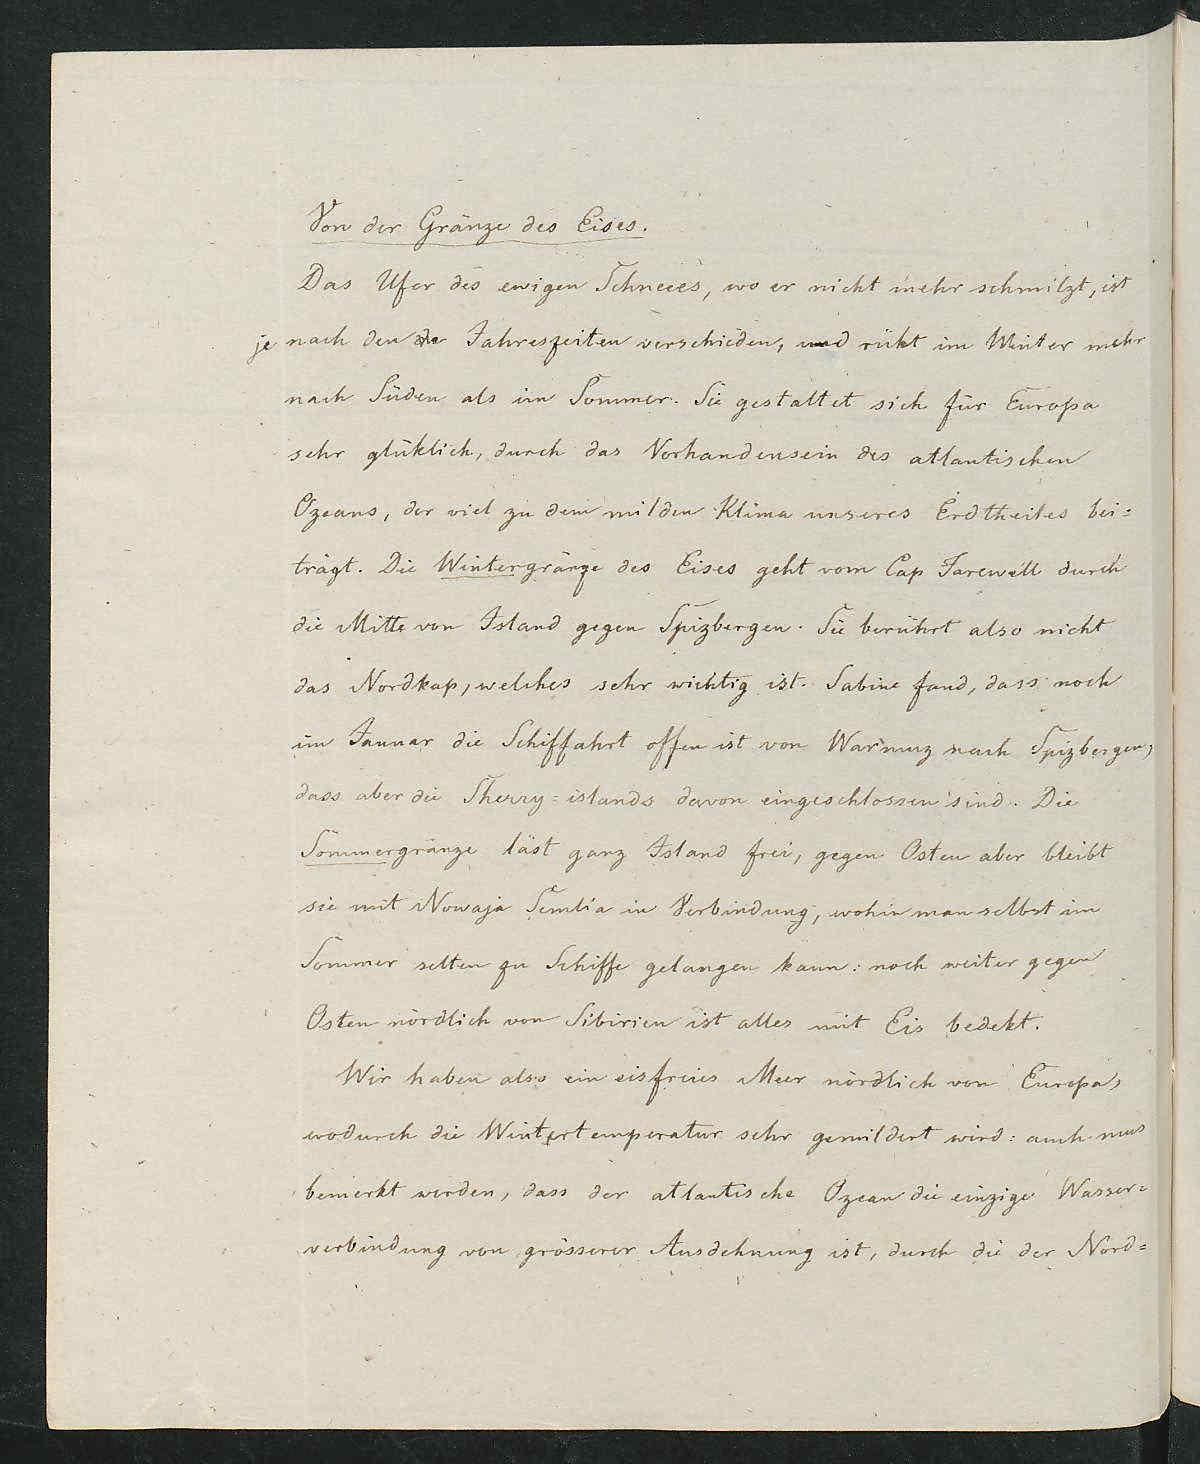Von der Gränze des Eises.
Das Ufer des ewigen Schneees, wo er nicht mehr schmilzt, ist
je nach den de Jahreszeiten verschieden, und rükt im Winter mehr
nach Süden als im Sommer. Sie gestaltet sich für Europa
sehr glüklich, durch das Vorhandensein des atlantischen
Ozeans, der viel zu dem milden Klima unseres Erdtheiles bei-
trägt. Die Wintergränze des Eises geht vom Cap Farewell durch
die Mitte von Island gegen Spizbergen. Sie berührt also nicht
das Nordkap, welches sehr wichtig ist. Sabine fand, dass noch
im Januar die Schiffahrt offen ist von Warnung nach Spizbergen,
dass aber die Sherry-islands davon eingeschlossen sind. Die
Sommergränze läst ganz Island frei, gegen Osten aber bleibt
sie mit Nowaja Semlia in Verbindung, wohin man selbst im
Sommer selten zu Schiffe gelangen kann: noch weiter gegen
Osten nördlich von Sibirien ist alles mit Eis bedekt.
Wir haben also ein eisfreies Meer nördlich von Europa,
wodurch die Wintertemperatur sehr gemildert wird: auch mus
bemerkt werden, dass der atlantische Ozean die einzige Wasser-
verbindung von grösserer Ausdehnung ist, durch die der Nord-